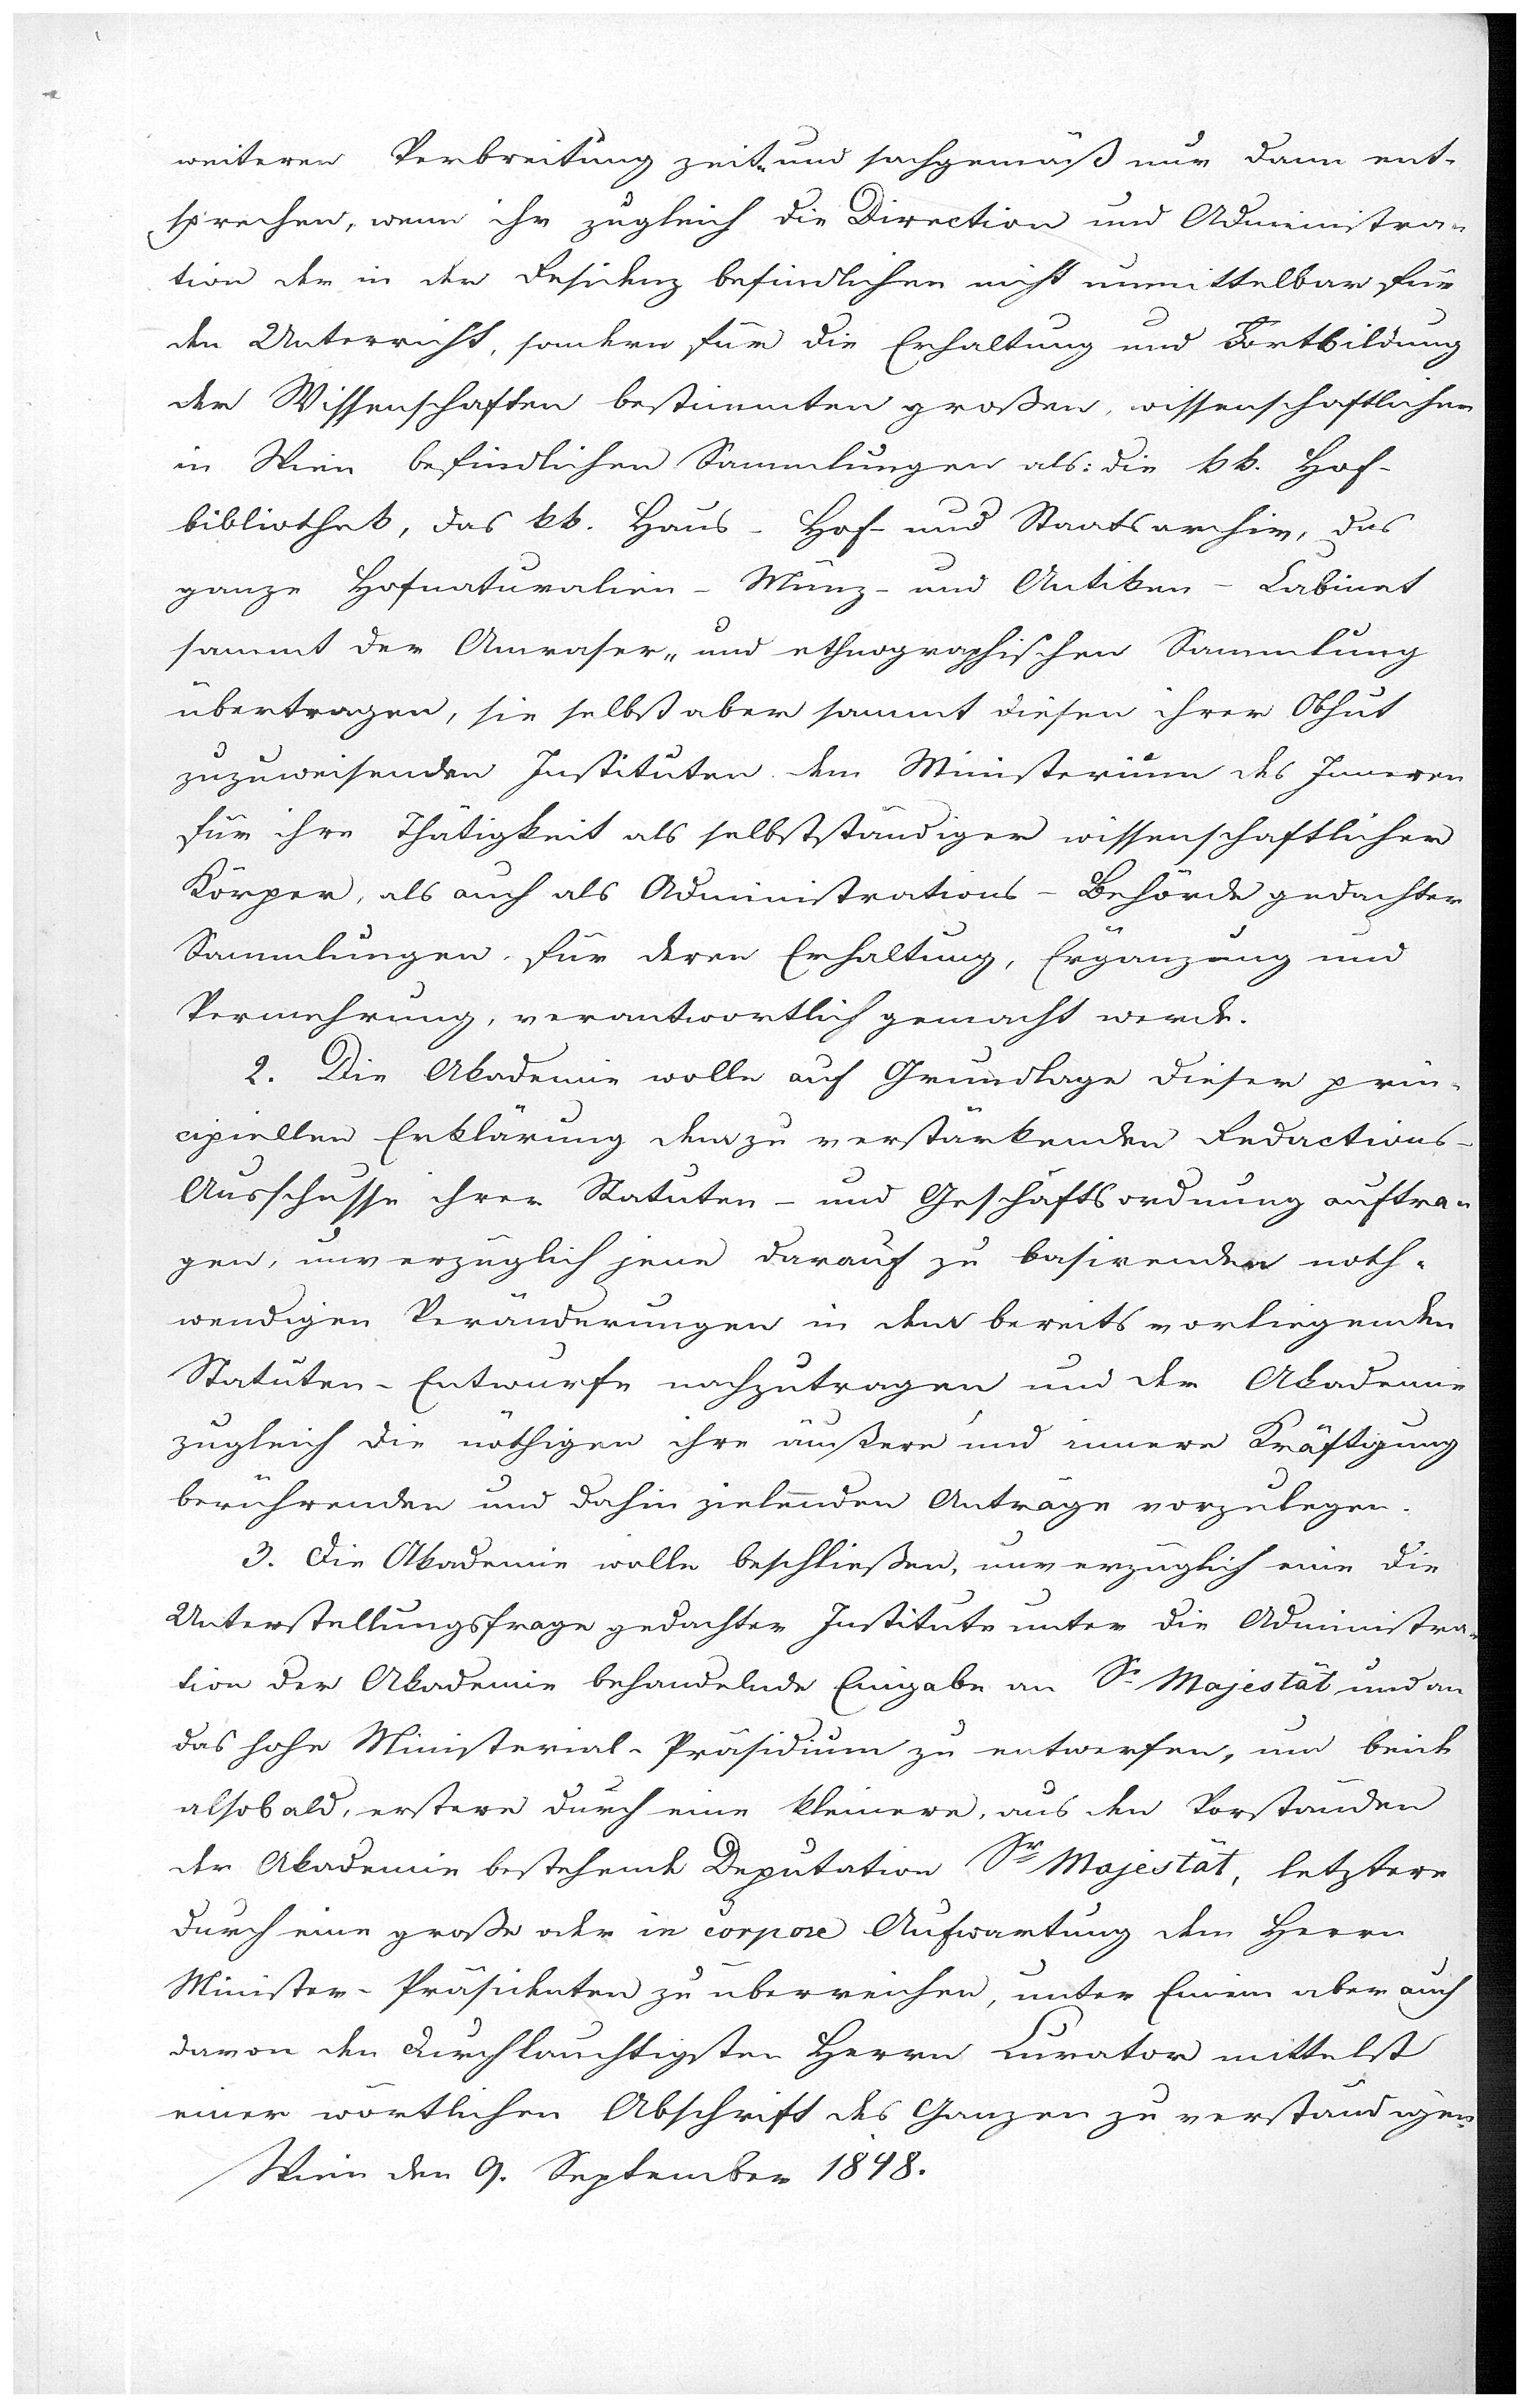weiteren Verbreitung zeit- und sachgemäß nur dann ent-
sprechen, wenn ihr zugleich die Direction und Administra-
tion der in der Residenz befindlichen nicht unmittelbar für
den Unterrichte, sondern für die Erhaltung und Förtbildung
der Wissenschaften bestimmten großen, wissenschaftlichen
in Wien befindlichen Sammlungen als: die kk. Hof-
bibliothek, das kk. Haus- Hof- und Saatsarchiv, das
ganze Hofnaturalien- Münz- und Antiken-Cabinet
sammt der Amraser- und ethnographischen Sammlung
übertragen, sie selbst aber sammt diesen ihrer Obhut
zuzuweisenden Instituten dem Ministerium des Inneren
für ihre Thätigkeit als selbstständiger wissenschaftlicher
Körper, als auch als Administratons-Behörde gedachter
Sammlungen, für deren Erhaltung, Ergänzung und
Vermehrung, verantwortlich gemacht werde.
2. Die Akademie wolle auf Grundlage dieser prin-
cipiellen Erklärung dem zu verstärkenden Redactions-
Ausschusse ihrer Statuten- und Geschäftsordnung auftra-
gen, unverzüglich jene darauf zu basirenden noth-
wendigen Veränderungen in dem bereits vorliegenden
Statuten-Entwurfe nachzutragen und der Akademie
zugleich die nöthigen ihre äußern und innern Kräftigung
berührenden und dahin zielenden Anträge vorzulegen.
3. Die Akademie wolle beschließen, unverzüglich eine die
Unterstellungsfrage gedachter Institute unter die Administra-
tion der Akademie behandelnde Eingabe an Sr Majestät und an
das hohe Ministerial-Präsidium zu entwerfen, um beide
alsobald, erstere durch eine kleinere, aus den Vorständen
der Akademie bestehenden Deputation Sr Majestät, letztere
durch eine große oder in corpore Aufwartung dem Herrn
Minister-Präsidenten zu überreichen, unter Einem aber auch
davon den durchlauchtigsten Herrn Curator mittels
einer wörtlichen Abschrift des Ganzen zu verständigen.
Wien den 9. September 1848.